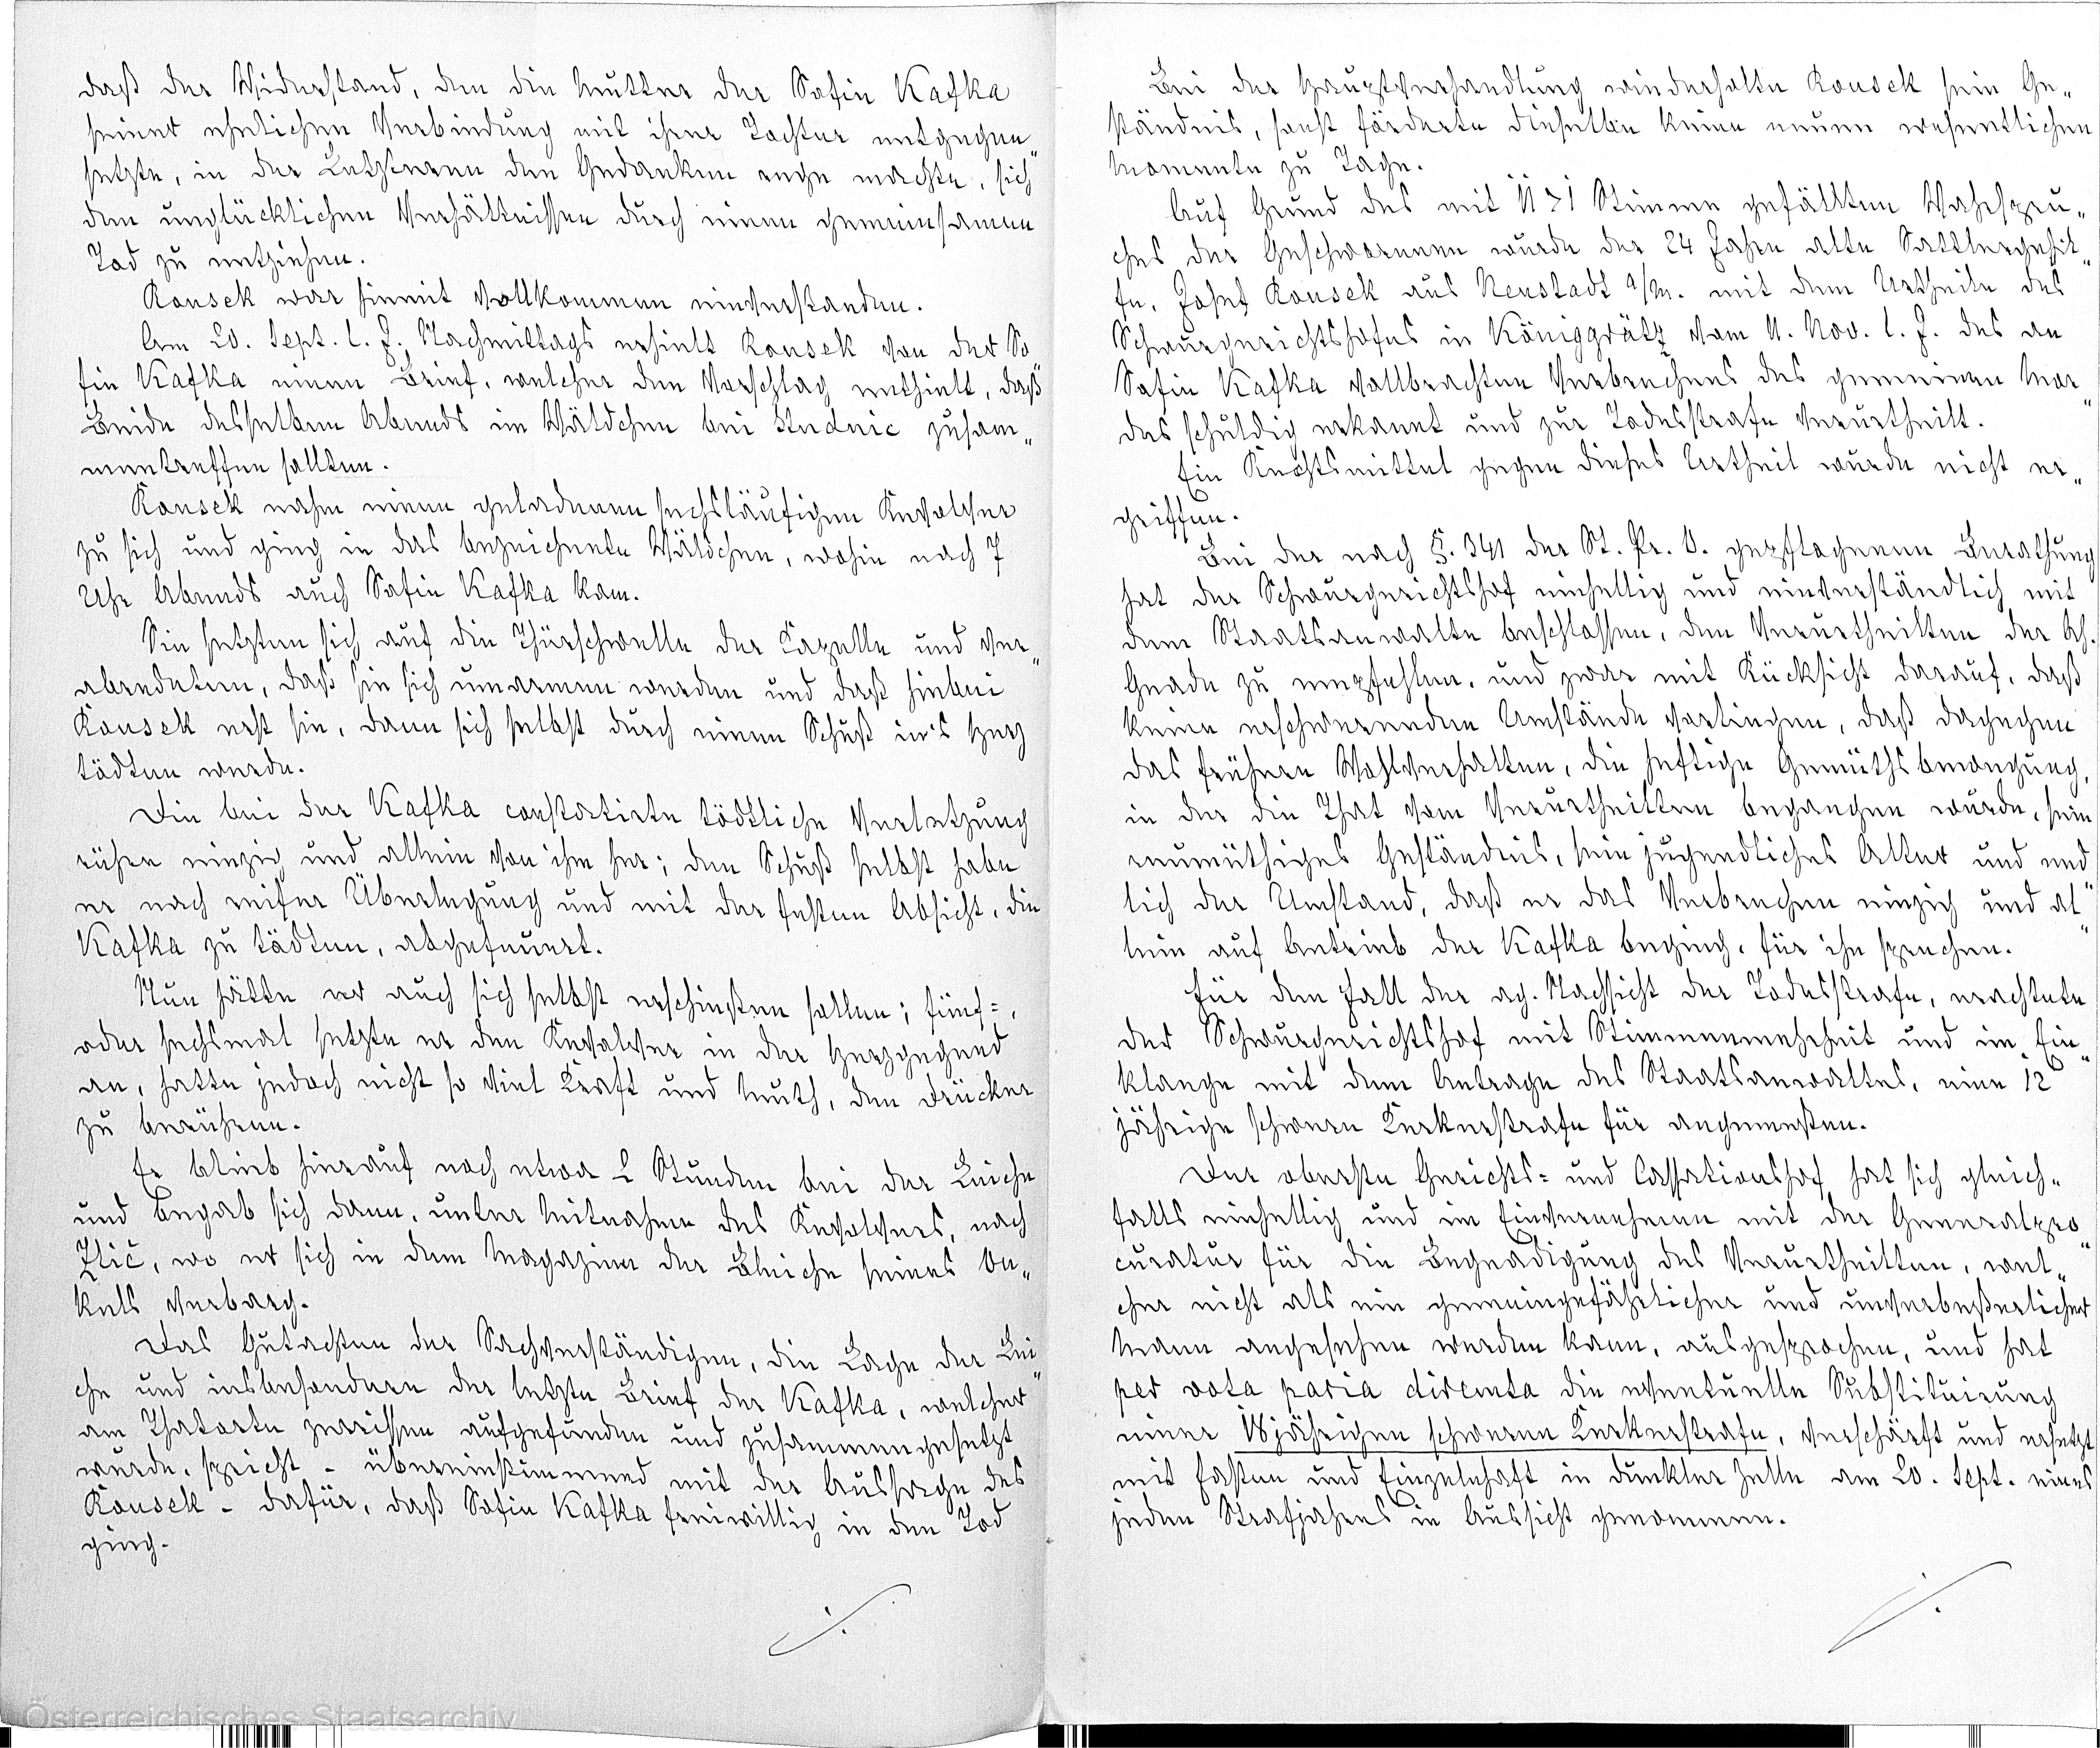daß der Widerstand, den die Mutter der Sofie Kafka
seiner ehelichen Verbindung mit ihrer Tochter entgegen
setzte, in der Letzteren den Gedanken rege machte, sich
den unglücklichen Verhältnisse durch einen gemeinsamen
Tod zu entziehen.
Rousek war hiemit vollkommen einverstanden.
Am 20. Sept. l. Nachmittags erhielt Rousek von der So¬
fie Kafka einen Brief, welcher den Vorschlag enthielt, daß
Beide desselben Abends im Wäldchen bei Studnic zusam¬
mentreffen sollten:
Rousek nahm einen geladenen sechsläufigen Revolver
tödten wurde.
Die bei der Kafka constatirte tödtliche Verletzung
rühre einzig und allein von ihm her; den Schuß selbst habe
er nach reifer Überlegung und mit der festen Absicht, die
Kafka zu tödten, abgefeuert.
Nun hätte er auch sich selbst erschießen sollen; fünf¬
oder sechsmal setzte er den Revolver in der Herzgegend
an, hatte jedoch nicht so viel Kraft und Muth, den drücken
zu berühren.
Er blieb hierauf nach etwa 2 Stunden bei der Leiche
und begab sich dann, unter Mitnahme des Revolvers, nach
Zlič, wo er sich in dem Magazin der Bleiche seines On¬
kels verbarg.
Das Gutachten der Sachverständigen, die Lage der Lei¬
che und insbesondere der letzte Brief der Kafka, welcher
am Thatorte zerrissen aufgefunden und zusammengesetzt
wurde, spricht – übereinstimmend mit der Aussage des
Rousek – dafür, daß Sofie Kafka freiwilling in den Tod
ging.
Bei der Hauptverhandlung wieerholte Rousek sein Ge¬
ständnis, sonst förderte dieselbe keine neuen wesentlichen
Momente zu Tage.
Auf Grund des mit 11>1 Stimme gefällten Wahrspru¬
ches der Geschworenen wurde der 24 jahre alte Sattlergehil¬
Bei der Hauptverhandlung wieerholte Rousek sein Ge¬
ständnis, sonst förderte dieselbe keine neuen wesentlichen
Momente zu Tage.
Auf Grund des mit 11>1 Stimme gefällten Wahrspru¬
ches der Geschworenen wurde der 24 jahre alte Sattlergehil¬
fe, Josef Rousek aus Nestadt a/M mit dem Urtheile des
Schwurgerichtshofes in Königgrätz vom 11 Nov. L. J. des an
Sofie Kafka vollbrachten Verbrechens des gemeinen Mor¬
des schuldig erkannt und zur Todesstrafe verurtheilt.
Ein Rechtsmittel gegen dieses Urtheil wurde nicht er¬
griffen
Bei der nach §341 der St. Pr. O. gepflogenen Berathung
hat der Schwurgerichtshof einhellig und einverständlich mit
dem Staatsanwalte beschlossen, den Verurtheilten der Ah.
Gnade zu empfehlen, und zwar mit Rücksicht darauf, daß
keine erschwerenden Umstände verliegen, daß dagegen
das frühre Wohlverhalten, die heftige Gemüthsbewegung,
in der die That vom Verurtheilten begangen wurde, sein
reumüthiges Geständnis, sein jugendliches Alter und end¬
lich der Umstand, daß er das Verbrechen einzig und al¬
lein auf Antrieb der Kafka beging, für ihn sprechen.
Für den Fall der ag. Nachsicht der Todesstrafe, erachtete
der Schwurgerichtshof mit Simmenmehrheit und im Ein¬
klange mit dem Antrage des Staatsanwaltes, eine 12
jährige schwere Kerkerstrafe für angemeßen.
Der oberste Gerichts- und Cassatinshof hat sich gleich¬
falls einhellig und im Einverehmen mit der Generalpro¬
kuratur für die Begnadigung des Verurtheilten, wel¬
cher nicht als ein gemeingefährlicher und unverbeßerlicher
Mann angesehen werden kann, ausgesprochen, und hat
per vota paria diremta die eventuelle Substituirung
einer 18jährigen schweren Kerkerstrafe, verschärft und ursetzt
mit Fasten und Einzelhaft in dunkler Zelle am 20. Sept. eines
jeden Strafjahres in Aussicht genommen.